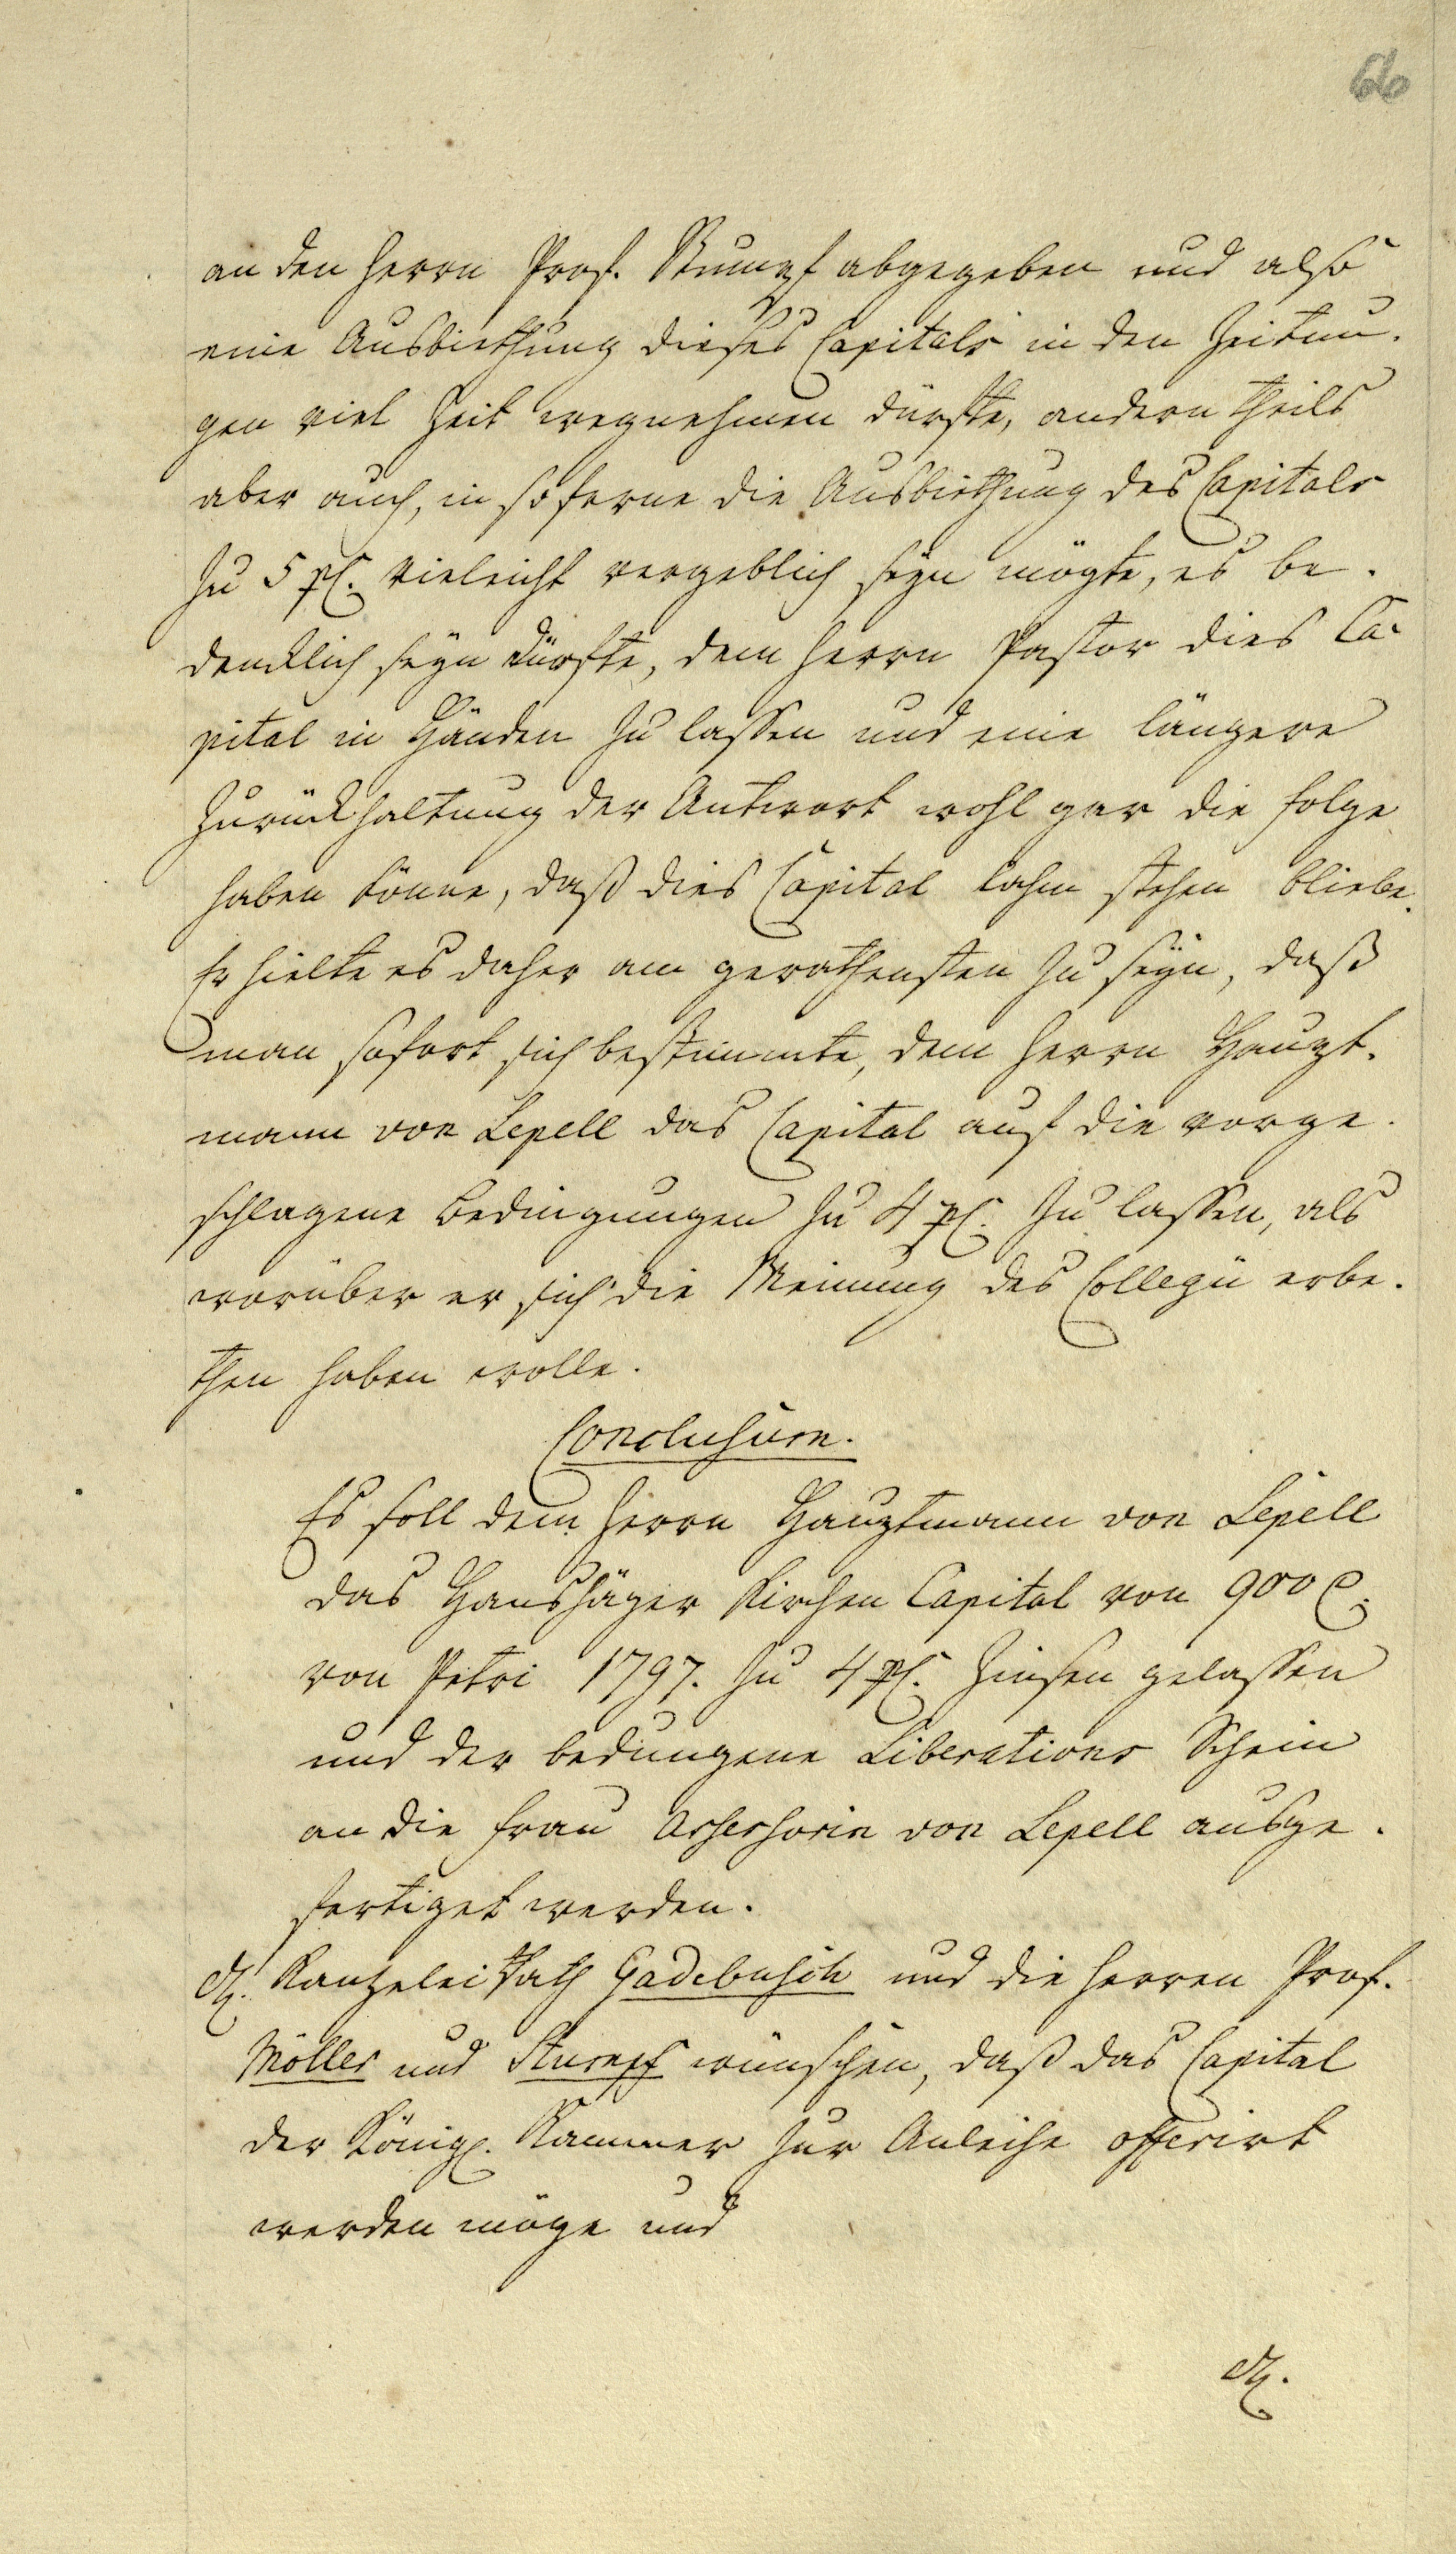an den Herrn Prof. Stumpf abgegeben und also
eine Ausbiethung dieses Capitals in den Zeitun¬
gen viel Zeit wegnehmen dürfte, andern theils
aber auch, in so ferne die Ausbiethung des Capitals
zu 5 pl. vieleicht vergeblich seÿn mögte, es be¬
dencklich seÿn dürfte, dem Herrn Pastor dies Ca¬
pital in Händen zu lassen und eine längere
Zurückhaltung der Antwort wohl gar die Folge
haben könne, daß dies Capital lahm stehen bliebe.
Er hielte es daher am gerathensten zu seÿn, daß
man sofort sich bestimmte, dem Herrn Haupt¬
mann von Lepell das Capital auf die vorge¬
schlagene Bedingungen zu 4 pl. zu lassen, als
worüber er sich die Meinung des Collegii erbe
then haben wolle.
Conclusum.
Es soll dem Herrn Hauptmann von Lepell
das Hanshäger Kirchen Capital von 900 l.
von Petri 1797. zu 4 pl. Zinsen gelassen
und der bedungene Liberations Schein
an die Frau Assessorin von Lepell ausge¬
fertiget werden.
dh. Kanzelei Rath Gadebusch und die Herren Prof.
Möller und Stumpf wünschen, daß das Capital
der Königl. Kammer zur Anleihe offerirt
werden möge und
dh.